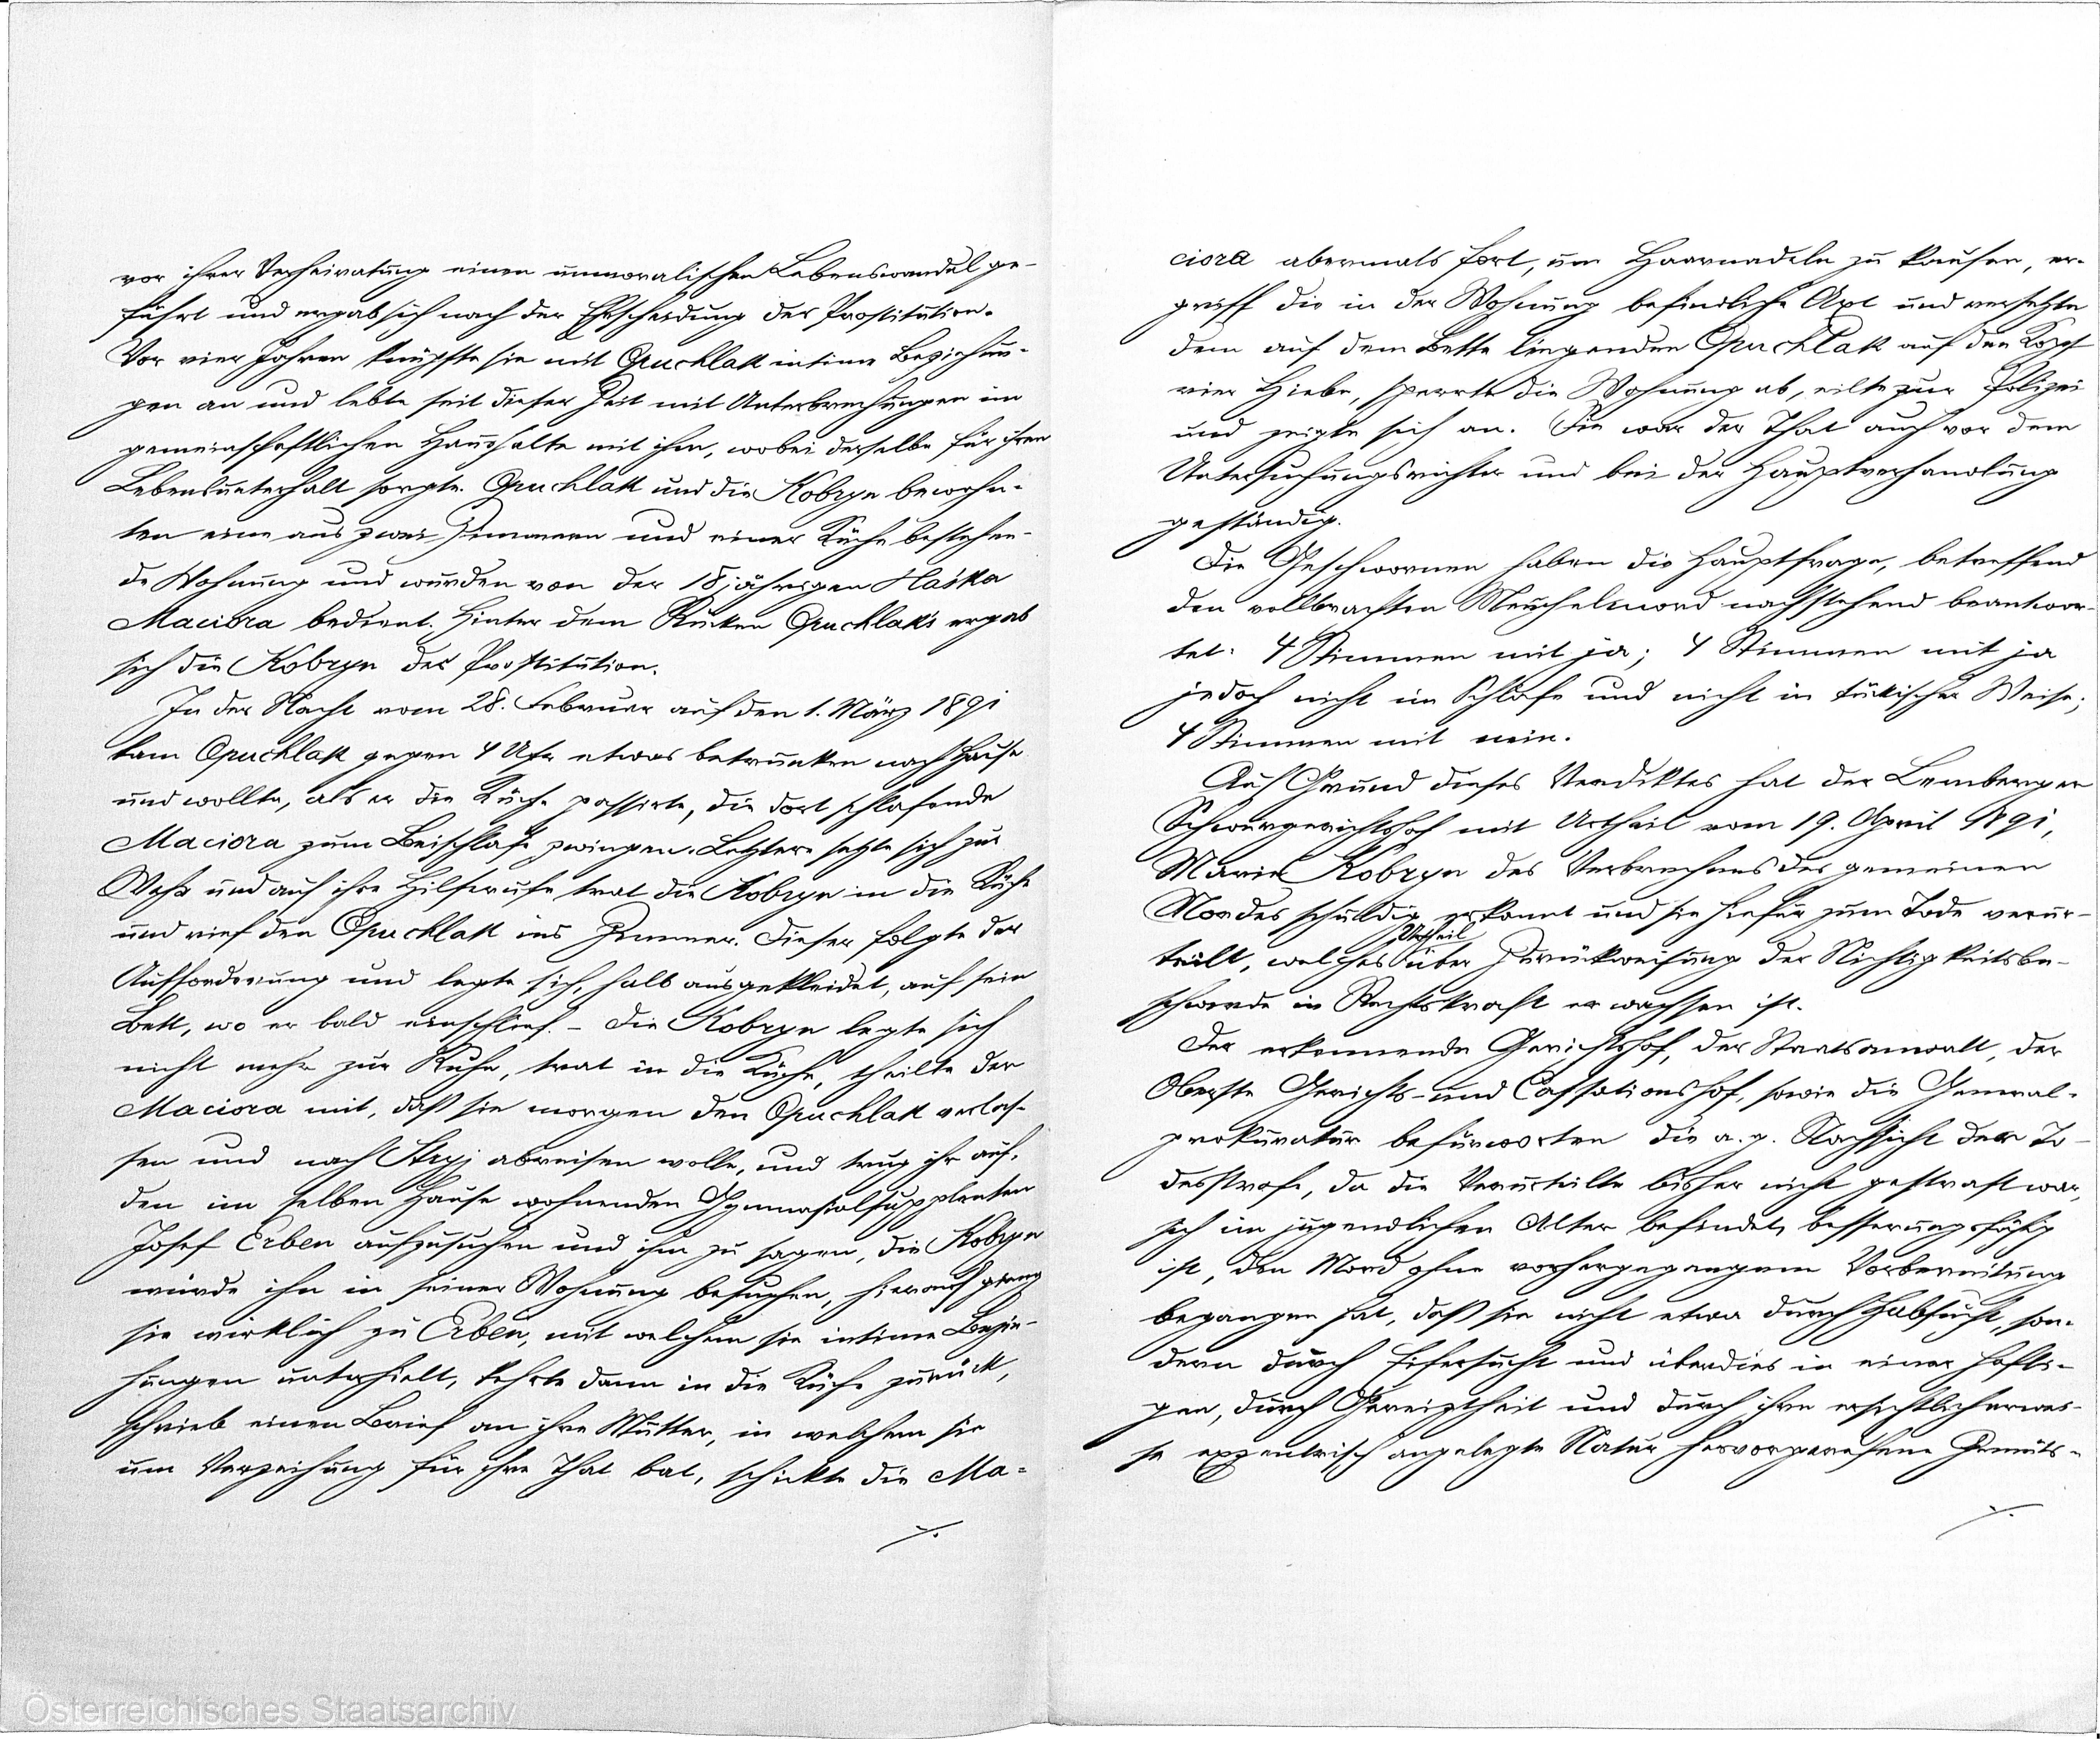vor ihrer Verheiratung einen unmoralischen Lebenswandel ge¬
führt und ergab sich nach der Ehescheidung der Prostitution.
Vor vier Jahren knüpfte sie mit Opuchlak intime Beziehun¬
gen an und lebte seit dieser Zeit mit Unterbrechungen ein
gemeinschaftlichen Haushalte mit ihm, wobei derselbe für ihren
Lebensunterhalt sorgte. Opuchlak und die Kobryn bewohn¬
ten eine aus zwei Zimmern und einer Küche bestehen¬
de Wohnung und wurden von der 18jährigen Haśka
Maciora bedient. Hinter dem Rücken Opuchlak’s ergab
sich die Kobryn der Prostitution.
In der Nacht vom 28. Februar auf den 1. März 1891
kam Opuchlak gegen 4 Uhr etwas betrunken nach Hause
und wollte, als er die Küche passirte, die dort schlafende
Maciora zum Beischlaf zwingen. Letztere setzte sich zur
Wehr und auf ihre Hilferufe trat die Kobryn in die Küche
und rief den Opuchlak ins Zimmer. Dieser folgte der
Aufforderung und legte sich, halb ausgekleidet, auf sein
Bett, wo er bald einschlief. – Die Kobryn legte sich
nicht mehr zur Ruhe, trat in die Küche, theilte der
Maciora mit, daß sie morgen den Opuchlak erlas¬
sen und nach Stryj abreisen wolle, und trug ihr auf,
den im selben Hause wohnenden Gymnasialsupplenten
Josef Erben aufzusuchen und ihm zu sagen, die Kobryn
wurde ihn in seiner Wohnung besuchen, hierauf gieng
sie wirklich zu Erben, mit welchem sie intime Bezie¬
hungen unterhielt, kehrte dann in die Küche zurück,
schrieb einen Brief an ihre Mutter, in welchem sie
um Verzeihung für ihre That bat, schickte die Ma¬
cisza abermals fort, um Haarnadeln zu kaufen, er¬
griff die in der Wohnung befindliche Axt und versetzte
dem auf dem Bette liegenden Opuchlak auf den Kopf
vier Hiebe, sperrte die Wohnung ab, eilte zur Polizei
und zeigte sich an. Sie war der That auch vor dem
Untersuchungsrichter und bei der Hauptverhandlung
geständig.
Die Geschworene haben die Hauptfrage, betreffend
den vollbrachten Meuchelmord nachstehend beantwor¬
tet. 4 Stimmen mit ja; 4 Stimmen mit ja
jedoch nicht im Schlafe und nicht in tückischer Weise;
4 Stimmen mit nein.
Auf Grund dieses Verdiktes hat der Lemberger
Schwurgerichtshof mit Urtheil vom 19. April 1891,
Marie Kobryn des Verbrechens der gemeinen
Mordes schuldig erkannt und sie hiefür zum Tode verur¬
Urtheil
teilt, welches über Zurückweisung der Nichtigkeitsbe¬
schwerde in Rechtskraft erwachsen ist.
Der erkennende Gerichtshof, der Staatsanwalt, der
Oberste Gerichts- und Cassationshof, sowie die General¬
prokuratur befürworten die a.g. Nachsicht der To¬
desstrafe, da die Verurtheilte bisher nicht gestraft war
sich im jugendlicher Alter befindet, besserungsfähig
ist, den Mord ohne vorhergegange Vorbereitung
begangen hat, daß sie nicht etwa durch Habsucht, son¬
dern durch Eifersucht und überdies in einer hefti¬
gen, durch Gereiztheit und durch ihre ersichtlicherwei¬
se exzentrisch angelegte Natur hervorgerathene Gemüts¬